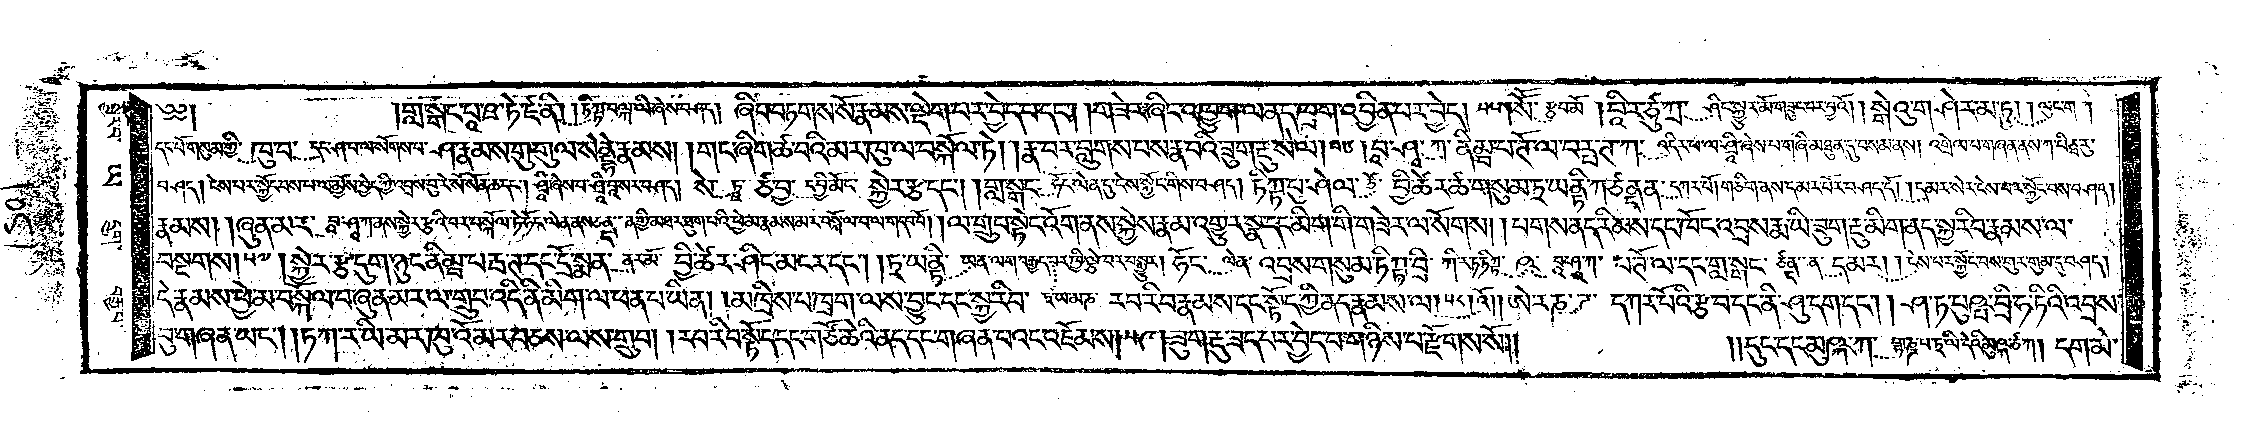༄༅། །གླ་སྒང་པཱ་ཊཿཨ་ཏེ་ཛ་ནི། །ཏིཀྟ་བལྐ་ལི་ཞེས་བཤད། ཞིབ་བཏགས་སོ་རྣམས་ལྡེག་བར་བྱེད་པ་དང་། །གཟེར་ཞིང་འཁྱུག་ལ་ནད་ཁྲག་འབྱིན་པར་བྱེད། ༥༥་།སཽ་རྩབ་མོ་།བཱི་ར་ཙུ་ཀྲ་ཤིང་སྐྱུར་མོ་གཟུང་བར་བྱའོ། །སྒེའུ་གཤེར་མ་ཏུ། །ལུང་ག །
དང་པོ་གསུམ་གྱི་ཁུ་བ་དང་ཤ་བ་ལ་སོགས་པ་ཤ་རྣམས་གུ་གུལ་སེནྡྷེ་རྣམས། །གང་ཞིག་ཚ་བའི་མར་ཁུ་ལ་བསྐོལ་ཏེ། །རྣ་བར་བླུགས་པས་རྣ་བའི་ཟུག་རྔུ་སེལ། ༥༦་།བཱ་ཤཱ་ཀ་ནིམྦ་པ་ཊོ་ལ་བརྤ་ཊ་ཀ་འདིར་ཕ་ལ་ཤྲཱི་ཞེས་པ་གཞི་མཐུན་དུ་བསམ་ནས། འགྲེལ་པ་གཞན་ནས་ཀ་པིཙྭ་རུ་
བཤད། ངེས་པར་སྐྱོང་བས་པ་ལ་མྱོས་བྱེད་ཀྱི་འབྲས་བུ་རེ་སོ་སོན་ཆ་དང་། ཤྲཱི་ཞེས་བ་ཤྲཱི་བཱ་སར་བཤད། སེ་ཏཊཿཨ་ཙ་བྱ་དབྱི་མོང་སྐྱེར་རྩ་དང་། །གླ་སྒང་ཧོང་ལེན་དུ་ངེས་སྐྱོང་གིས་བཤད། ཏིཀྟ་པུ་ཤེལ་ཙེ་བྱི་ཚེར་ཚ་གསུམ་ཏྲ་ཡནྟི་ཀ་ཙནྡན་དཀར་པོ། གཅིག་ནས་དམར་པོར་བཤད་དོ། །དམར་སེར་ངེས་པར་སྐྱོང་བས་བཤད།
རྣམས། །ཞུན་མར་བཱ་ཤཱ་ཀ་ནས་སྐྱེར་རྩའི་བར་བསྐོལ་ཏེ་ཧོང་ལེན་ནས་ཙནྡ་ན་གྱི་མཐར་ཐུག་པའི་ཕྱེ་མ་རྣམས་མར་བསྐོལ་བ་ལ་གདབ་བོ། །ལ་གྲུབ་སྟེང་འོག་ནས་སྐྱེས་རྣམ་འགྱུར་སྣ་དང་མིག་གི་གཟེར་ལ་སོགས། །པགས་ནད་རིམས་དང་ཁོང་འབྲས་རྨ་ཡི་ཟུག་རྔུ་མིག་ནད་སྐྱ་རིབ་རྣམས་ལ་
བསྔགས། ༥༧་།སྐྱེར་རྩ་དུག་ཉུང་ནིམྦ་པརྦ་ཊ་དང་དྲོ་སྨན་ནར་མོ་བྱི་ཚེར་ཤིང་མངར་དང་། །ཏྲ་ཡནྟི་ཡན་ལག་བརྒྱད་པར་ཁྱི་ལྕེ་བར་བསྒྱུར། ཧོང་ལེན་འབྲས་གསུམ་ཏིཀྟ་བྲི་ཀི་ར་ཏ་ཏིཀྟ་ཥ་བཱ་ཤཱ་ཀ་པ་ཊོ་ལ་དང་གླ་སྒང་ཙནྡ་ན་དམར། །ངེས་པར་སྐྱོང་བས་གུར་གུམ་དུ་བཤད།
དེ་རྣམས་ཕྱེ་མ་བསྐོལ་བ་ཞུན་མར་ལ་གྲུབ་འདི་ནི་མིག་ལ་ཕན་པ་ཡིན། །མཁྲིས་པ་ཁྲག་ལས་བྱུང་དང་སྐྱ་རིབ་ཏྲ་ཡ་མ་ཎ་རབ་རིབ་རྣམས་དང་སྟོད་ཀྱི་ནད་རྣམས་ལ། ༥༨་།འོ།། ཨེ་རཎ་ཌ་དཀར་པོའི་རྩ་བ་དང་ནི་ཤུ་དག་དང།། ཤ་ཏ་པུཥྤ་བྲི་ཧ་ཏིའི་འབྲས་
བུ་གཞན་ཡང་། །ཏ་ཀ་ར་ཡི་མར་ཁུ་འོ་མར་བཅས་ལས་གྲུབ། །རབ་རིབ་སྟོད་དང་གཙོ་ཆེའི་ནད་དང་གཞན་པའང་འཇོམས། ༥༩་།ཟུག་རྡུ་ཟད་པར་བྱེད་པ་གཉིས་པ་རྫོགས་སོ།། །།དུང་དང་མུཥྐ་ཀ་གྷཎྜ་པ་ཏྲ་ལི་དེའི་མུཥྐ་ཙ་ཀ། དག་མེ་